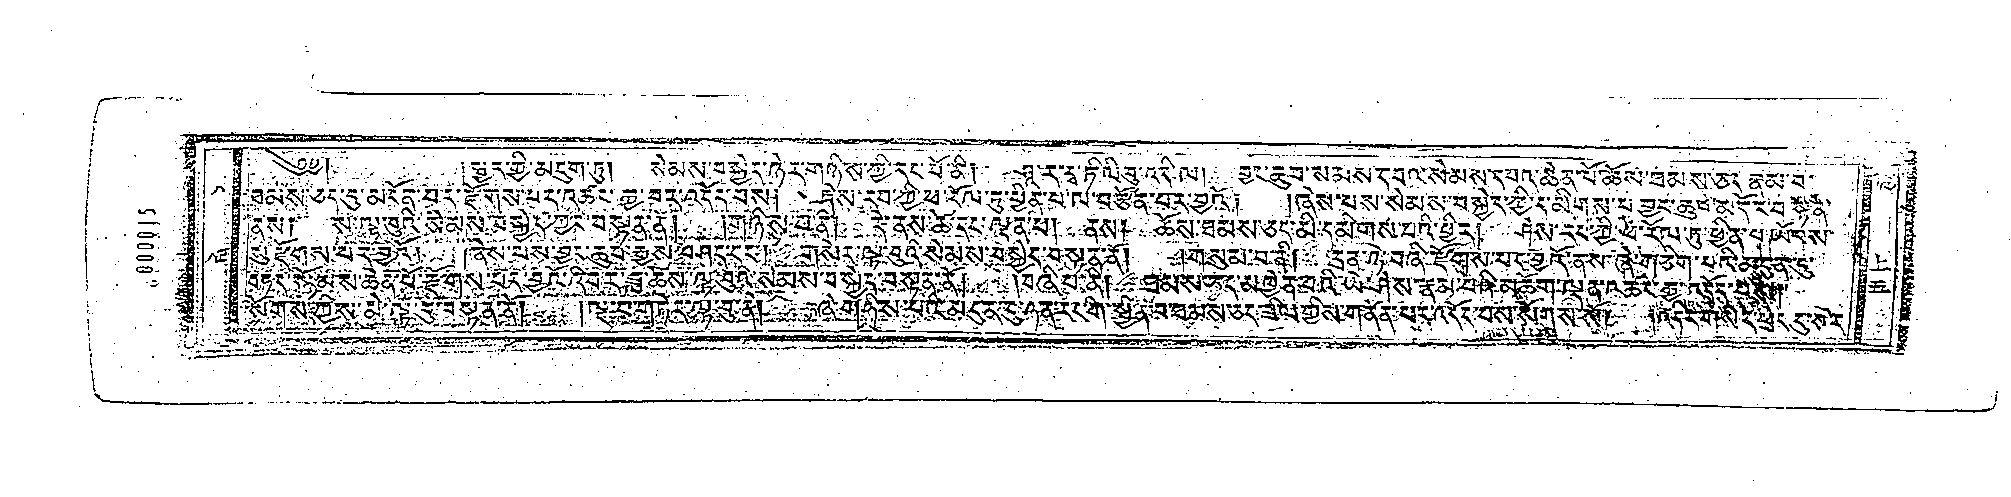༄༅། །སྦྱར་གྱི་མཇུག་ཏུ། སེམས་བསྐྱེད་ཉེར་གཉིས་ཀྱི་དང་པོ་ནི། ཤཱ་ར་དྭ་ཏི་ལི་བུ་འདི་ལ། བྱང་ཆུབ་སེམས་དཔའ་སེམས་དཔའ་ཆེན་པོ་ཆོས་ཐམས་ཅད་རྣམ་བ་
ཐམས་ཅད་དུ་མངོན་བར་རྫོགས་པར་འཚང་རྒྱ་བར་འདོད་པས། ཤེས་རབ་ཀྱི་ཕ་རོལ་ཏུ་ཕྱིན་པ་ལ་བརྩོན་པར་བྱའོ། །ཞེས་པས་སེམས་བསྐྱེད་ཀྱི་དམིགས་པ་བྱང་ཆུབ་མདོར་བསྟན་
ནས། ས་ལྟ་བུའི་སེམས་བསྐྱེད་ཀྱང་བསྟན་ནོ། །གཉིས་པ་ནི། དེ་ནས་ཚེ་དང་ལྡན་པ། ནས། ཆོས་ཐམས་ཅད་མི་དམིགས་པའི་ཕྱིར། ཤེས་རབ་ཀྱི་ཕ་རོལ་ཏུ་ཕྱིན་པ་ཡོངས་
སུ་རྫོགས་པར་བྱའོ། །ཞེས་པས་བྱང་ཆུབ་རྒྱས་བཤད་དང་། གསེར་ལྟ་བུའི་སེམས་བསྐྱེད་བསྟན་ནོ། །གསུམ་བ་ནི། དྲན་ཉེ་བཞི་རྫོགས་པར་བྱའོ་ནས་ཞེ་གཅིག་པའི་མདུན་དུ་
བཏང་སྙོམས་ཆེན་པོ་རྫོགས་པར་བྱའོ་བར་ཟླ་ཚེས་ལྟ་བུའི་སེམས་བསྐྱེད་བསྟན་ནོ། །བཞི་པ་ནི། ཐམས་ཅད་མཁྱེན་པའི་ཡེ་ཤེས་རྣམ་བའི་མཆོག་ལྡན་འཚང་རྒྱ་འདོད་པས།
སོགས་ཀྱིས་མེ་ལྟ་བུ་བསྟན་ནོ། །ལྔ་བ་གཏེར་ལྟ་བུ་ནི། ཞེ་གཉིས་པའི་མདུན་དུ་ཉན་རང་གི་སྦྱིན་བ་ཐམས་ཅད་ཟིལ་གྱིས་གནོད་པར་འདོད་པས་སོགས་སོ། །འདིར་གསེར་ཕྲེང་དུ་སེར་